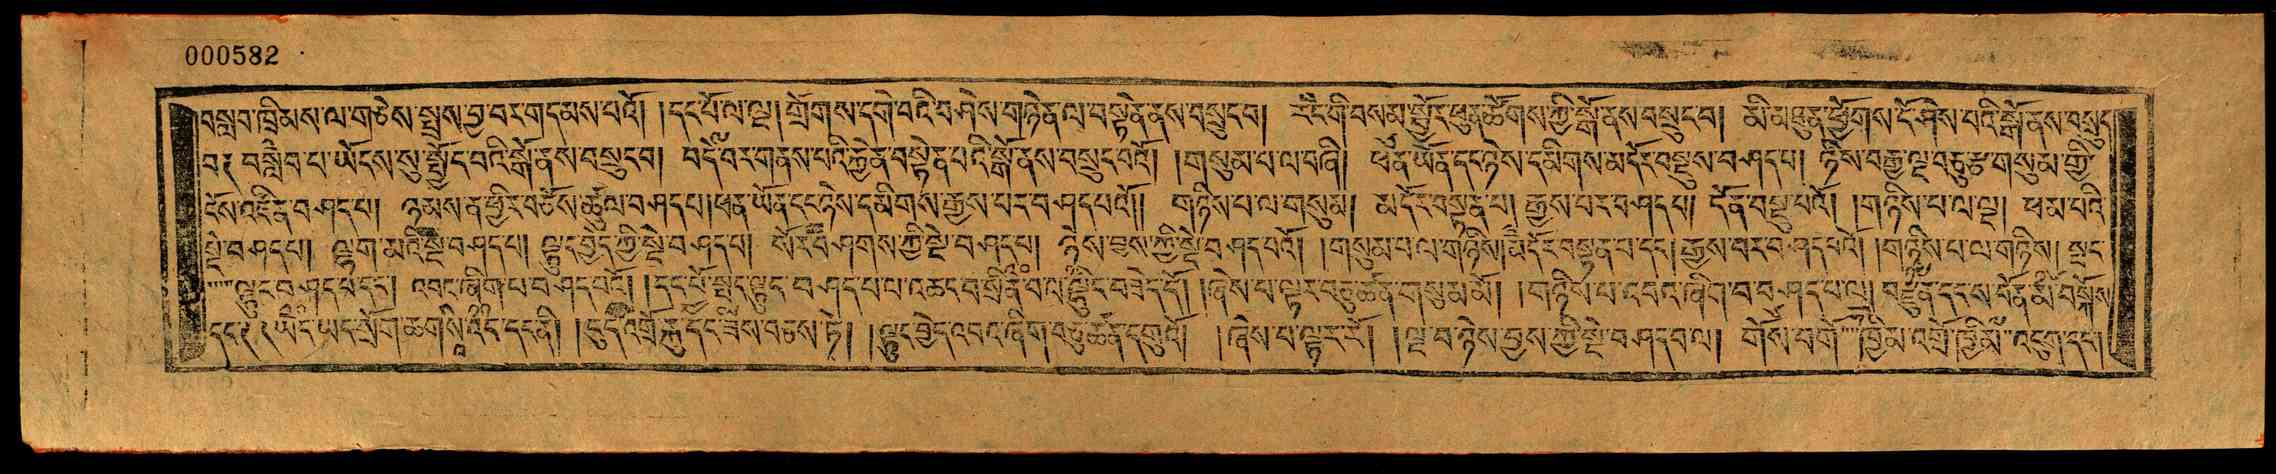བསླབ་ཁྲིམས་ལ་གཅེས་སྤྲས་བྱ་བར་གདམས་པའོ། །དང་པོ་ལ་ལྔ། གྲོགས་དགེ་བའི་བཤེས་གཉེན་ལ་བསྟེན་ནས་བསྲུང་བ། རང་གི་བསམ་སྦྱོར་ཕུན་ཚོགས་ཀྱི་སྒོ་ནས་བསྲུང་པ། མི་མཐུན་ཕྱོགས་ངོ་ཤེས་པའི་སྒོ་ནས་བསྲུང་
བ། བསླབ་པ་ཡོངས་སུ་སྦྱོང་བའི་སྒོ་ནས་བསྲུང་བ། བདེ་བར་གནས་པའི་རྐྱེན་བསྟེན་པའི་སྒོ་ནས་བསྲུང་བའོ། །གསུམ་པ་ལ་བཞི། ཕན་ཡོན་དང་ཉེས་དམིགས་མདོར་བསྡུས་བཤད་པ། ཉིས་བརྒྱ་ལྔ་བཅུ་རྩ་གསུམ་གྱི་
ངོས་འཛིན་བཤད་པ། ཉམས་ན་ཕྱིར་བཅོས་ཚུལ་བཤད་པ། ཕན་ཡོན་དང་ཉེས་དམིགས་རྒྱས་པར་བཤད་པའོ། །གཉིས་པ་ལ་གསུམ། མདོར་བསྟན་པ། རྒྱས་པར་བཤད་པ། དོན་བསྡུ་བའོ། །གཉིས་པ་ལ་ལྔ། ཕམ་པའི་
སྡེ་བཤད་པ། ལྷག་མའི་སྡེ་བཤད་པ། ལྟུང་བྱེད་ཀྱི་སྡེ་བཤད་པ། སོར་བཤགས་ཀྱི་སྡེ་བཤད་པ། ཉེས་བྱས་ཀྱི་སྡེ་བཤད་པའོ། །གསུམ་པ་ལ་གཉིས། མདོར་བསྟན་པ་དང་། རྒྱས་པར་བཤད་པའོ། །གཉིས་པ་ལ་གཉིས། སྤང་
ལྟུང་བཤད་པ་དང་། འབའ་ཞིག་པ་བཤད་པའོ། །དང་པོ་སྤང་ལྟུང་བཤད་པ་ལ་འཆད་པ་སྲིན་བལ་ལྷུང་བཟེད་དོ། །ཞེས་པ་ལྟར་བཅུ་ཚན་གསུམ་མོ། །གཉིས་པ་འབའ་ཞིག་པ་བཤད་པ་ལ། བརྫུན་དང་ས་བོན་མེ་བསྐོས་
དང་། །ཡང་ཡང་སྲོག་ཆགས་འདི་དང་ནི། །དུད་འགྲོ་རྐུ་དང་ཟས་བཅས་ཏེ། །ལྟུང་བྱེད་འབའ་ཞིག་བཅུ་ཚན་དགུའོ། །ཞེས་པ་ལྟར་རོ། །ལྔ་པ་ཉེས་བྱས་ཀྱི་སྡེ་བཤད་པ་ལ། གོས་བགོ་ཁྱིམ་འགྲོ་ཁྱིམ་འདུག་དང་།